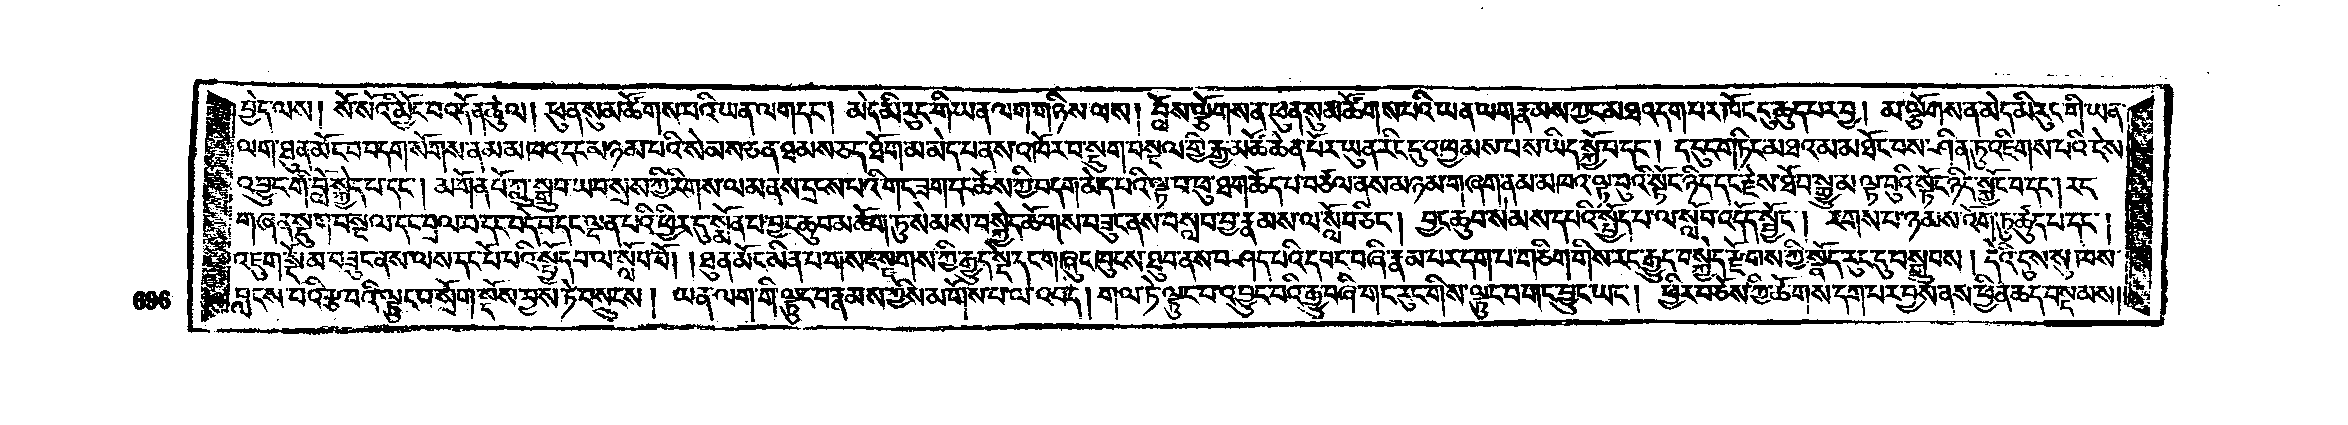བྱེད་ལས། སོ་སོའི་མྱོང་བ་འདོན་ཚུལ། ཕུན་སུམ་ཚོགས་པའི་ཡན་ལག་དང་། མེད་མི་རུང་གི་ཡན་ལག་གཉིས་ལས། བློས་ལྕོགས་ན་ཕུན་སུམ་ཚོགས་པའི་ཡན་ལག་རྣམས་ཀྱང་མཐའ་དག་པར་ཁོང་དུ་ཆུད་པར་བྱ། མ་ལྕོགས་ན་མེད་མི་རུང་གི་ཡན་
ལག་ཐུན་མོང་བ་བདག་སོགས་ནམ་མཁའ་དང་མཉམ་པའི་སེམས་ཅན་ཐམས་ཅད་ཐོག་མ་མེད་པ་ནས་འཁོར་བ་སྡུག་བསྔལ་གྱི་རྒྱ་མཚོ་ཆེན་པོར་ཡུན་རིང་དུ་འཁྱམས་པས་ཡིད་སྐྱོ་བ་དང་། ད་དུང་གཏིང་མཐའ་མ་མཐོང་བས་ཤིན་ཏུ་འཇིགས་པའི་ངེས་
འབྱུང་གི་བློ་སྐྱེད་པ་དང་། མགོན་པོ་ཀླུ་སྒྲུབ་ཡབ་སྲས་ཀྱི་རིགས་ལམ་ནས་དྲངས་པའི་གང་ཟག་དང་ཆོས་ཀྱི་བདག་མེད་པའི་ལྟ་བ་ཕུ་ཐག་ཆོད་པ་བཙལ་ནས་མཉམ་གཞག་ནམ་མཁའ་ལྟ་བུའི་སྟོང་ཉིད་དང་རྗེས་ཐོབ་སྒྱུ་མ་ལྟ་བུའི་སྟོང་ཉིད་སྐྱོང་བ་དང་། རང་
གཞན་སྡུག་བསྔལ་དང་བྲལ་བ་དང་བདེ་བ་དང་ལྡན་པའི་ཕྱིར་དུ་སྨོན་པ་བྱང་ཆུབ་མཆོག་ཏུ་སེམས་བསྐྱེད་ཆོ་གས་བཟུང་ནས་བསླབ་བྱ་རྣམས་ལ་སློབ་ཅིང་། བྱང་ཆུབ་སེམས་དཔའི་སྤྱོད་པ་ལ་སློབ་འདོད་སྦྱོང་། རགས་པ་ཉམས་འོག་ཏུ་ཚུད་པ་དང་།
འཇུག་སྡོམ་བཟུང་ནས་ལས་དང་པོ་པའི་སྤྱོད་པ་ལ་སློབ་བོ། །ཐུན་མོང་མིན་པ་གསང་སྔགས་ཀྱི་རྒྱུད་སྡེ་དང་གཞུང་ཁུངས་ཐུབ་ནས་བཤད་པའི་དབང་བཞི་རྣམ་པར་དག་པ་གཅིག་གིས་རང་རྒྱུད་བསྐྱེད་རྫོགས་ཀྱི་སྣོད་རུང་དུ་བསྒྲུབས། དེའི་དུས་སུ་ཁས་
བླངས་པའི་རྩ་བའི་ལྟུང་བ་སྲོག་སྡོས་བྱས་ཏེ་བསྲུངས། ཡན་ལག་གི་ལྟུང་བ་རྣམས་ཀྱིས་མ་གོས་པ་ལ་འབད། གལ་ཏེ་ལྟུང་བ་འབྱུང་བའི་རྒྱུ་བཞི་གང་རུང་གིས་ལྟུང་བ་གང་བྱུང་ཡང་། ཕྱིར་བཅོས་ཀྱི་ཆོ་གས་དག་པར་བྱས་ནས་ཕྱིན་ཆད་བསྡམས།